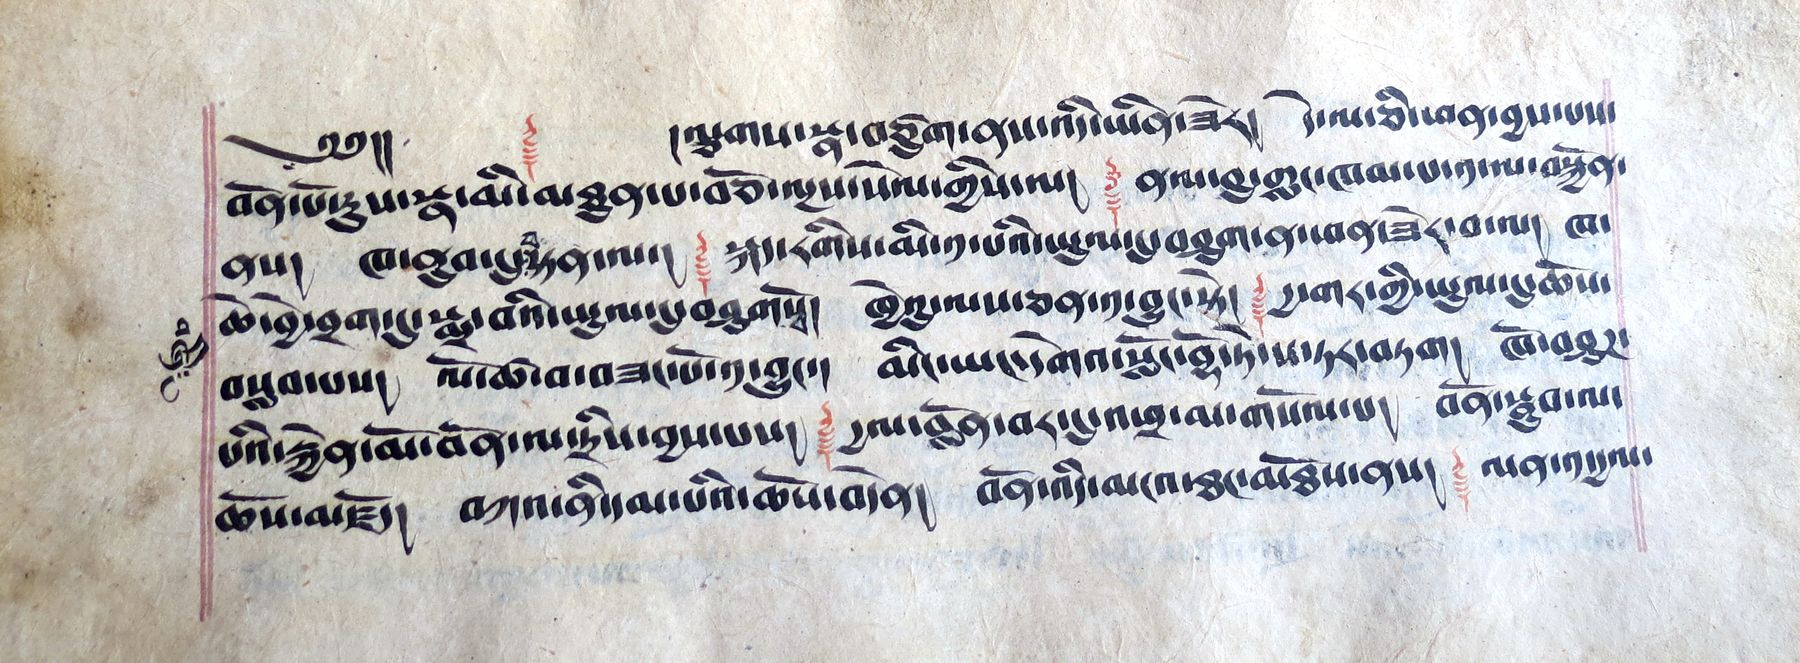ལྕག་སྣ་བཙུག་ནས་འདི་ཡིན་ཟེར་རོ། ། དེ་ལ་ཅིས་ཕན་དྲིས་པས། 
བོན་པོ་རུས་སྣ་མི་འདྲ་བ་བཅོ་ལྔས་སེལ་ཆེན་ཞིག་གྱིས་ལ། ནལ་བུ་གླང་ཁམ་པ་ཞིག་ལ་བསྐྱོན་
ལ། ཁ་ནུབ་ཏུ་སྟོན་ལ་སྐད་རིགས་མི་གཅིག་པའི་ཡུལ་དུ་བཤུགས་ན་ཕན་ཟེར་ནས། ཁ་
ཆེ་བྱེ་བྲག་སྨྲ་བའི་ཡུལ་དུ་སྤྱུགས་སོ། ། ཁྱེའུ་ལས་ཅན་ཞིག་བྱུང་སྟེ། རྒྱ་གར་གྱི་ཡུལ་དུ་ཆོས་
བསླབ་པས། ལོ་ཚ་བ་བཟང་པོ་ཞིག་བྱུང་། མིང་ཡང་དགེ་སློང་བྷོ་ཏི་ས་ཏྭར་བཏགས་སོ། ། ཁོ་བཤུགས་
པའི་རྐྱེན་མོ་བོན་ལ་དྲིས་བྱས་པས། རྒྱལ་བློན་གྱི་བར་དུ་ཕྲ་མ་གསོལ་བ། བོན་སྣུབས་ལ་
ཆོས་མཛོད། བཀའ་ནི་དམ་པའི་ཆོས་བདེན། བོན་འདི་མངའ་ཐང་མཐོ་ན། ལན་ཅིག་རྒྱལ་